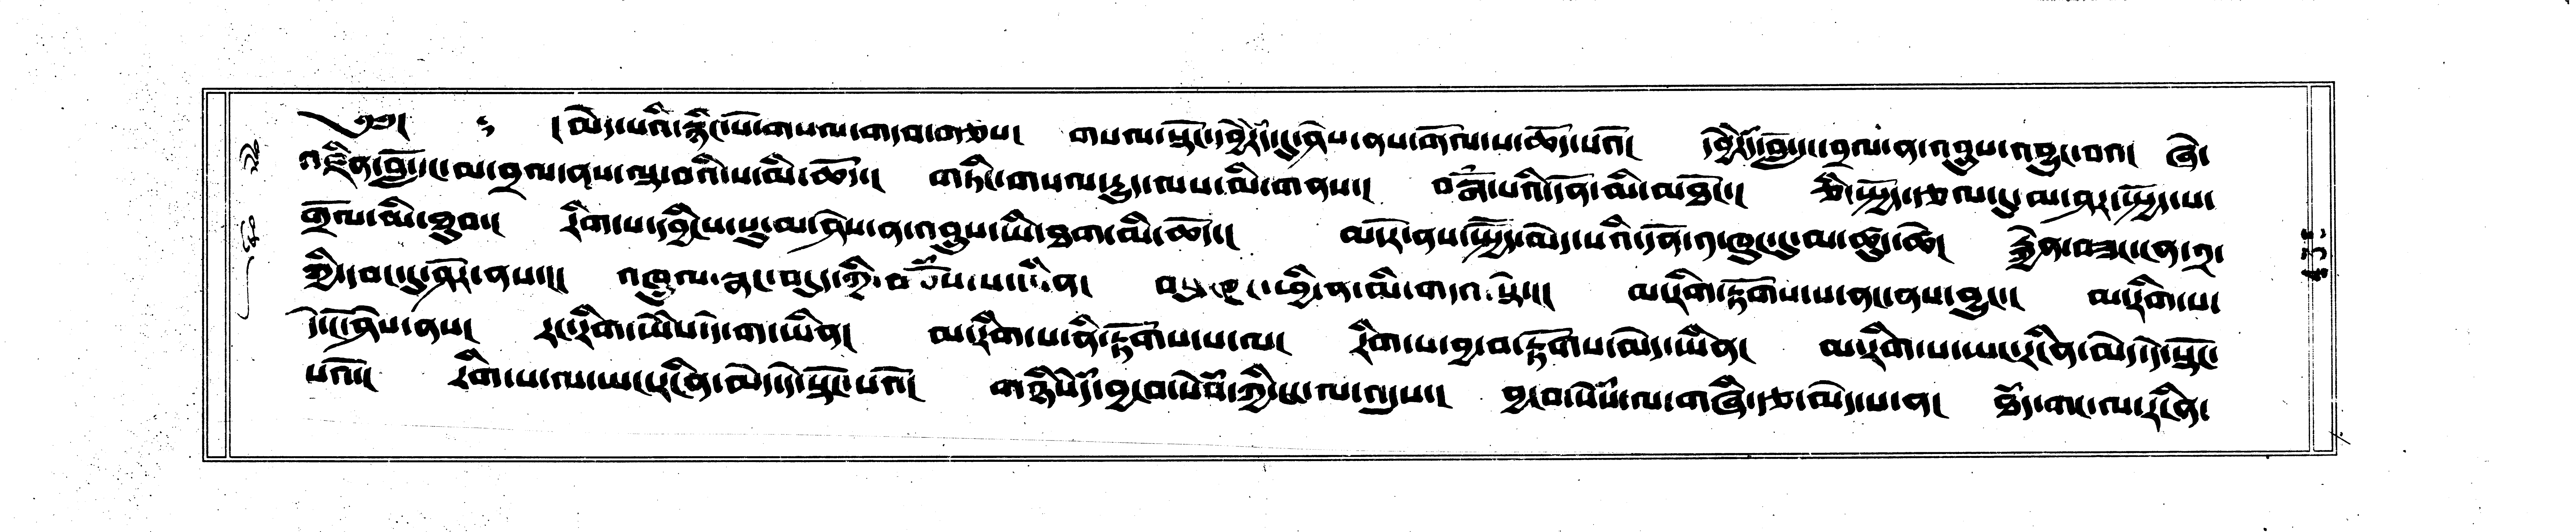མེད་པའི་སྙིང་པོར་རིག་པ་གསལ་བཏབ་ཅེས། གསལ་སྟོང་དབྱེར་མེད་དུ་ཤེས་ན་གོལ་ས་ཆོད་པའོ། དབྱེར་མེད་བློ་དང་བྲལ་ནས་འབྲས་བུ་འབྱུང་པའོ། ཞེ་
འཛིན་བློ་དང་མ་བྲལ་ན་ལྟ་བས་ས་མི་ཆོད། གཏིང་གསལ་རྒྱུད་ལ་མ་གནས་ན་སྒོམ་པས་དོན་མི་མཐོང་། ཅི་སྤྱོད་རྩལ་དུ་མ་ཤར་ན་སྤྱོད་པས་
གྲོལ་མི་ཐུབ། རིག་པ་དབྱིངས་སུ་མ་འདྲེས་ན་འབྲས་བུའི་ཐག་མི་ཆོད། མདོར་ན་གཡོ་སྤྱོད་མེད་པའི་དོན་དེ་ཁོང་དུ་མ་ཆུད་ཙེ། རྐྱེན་བཟང་ངན་གཉིས་
ཀྱི་དབང་དུ་ཤོར་ནས། འཁྲུལ་སྣང་བདུད་ཀྱིས་ཁྱེར་བ་ཡིན། བདུད་ཀྱང་ཕྱི་ན་མི་གདའ་སྟེ། མ་རིག་རྟོགས་པ་ནང་ནས་འབྱུང་མ་རིག་པ་
་ངོ་ཤེས་ན། རང་རིག་ཡེ་ཤེས་དེ་ཀ་ཡིན། མ་རིག་པ་འདི་རྟོག་པ་ལ། རིག་པ་བྱ་བ་རྟོགས་མེད་ཡིན། མ་རིག་པ་ལ་ཡང་རང་བཞིན་མེད་དེ་སྟོང་
པའོ། རིག་པ་ལ་ཡང་རང་བཞིན་མེད་དེ་སྟོང་པའོ། གཉིས་མེད་བྱང་ཆུབ་སེམས་ཀྱིས་ངང་ལ་འདུས། བྱང་ཆུབ་སེམས་ལ་གཞི་རྩ་རང་བཞིན་མེད་པས་ནི། ཐམས་ཅད་གང་ལ་ཡང་རང་བཞིན་